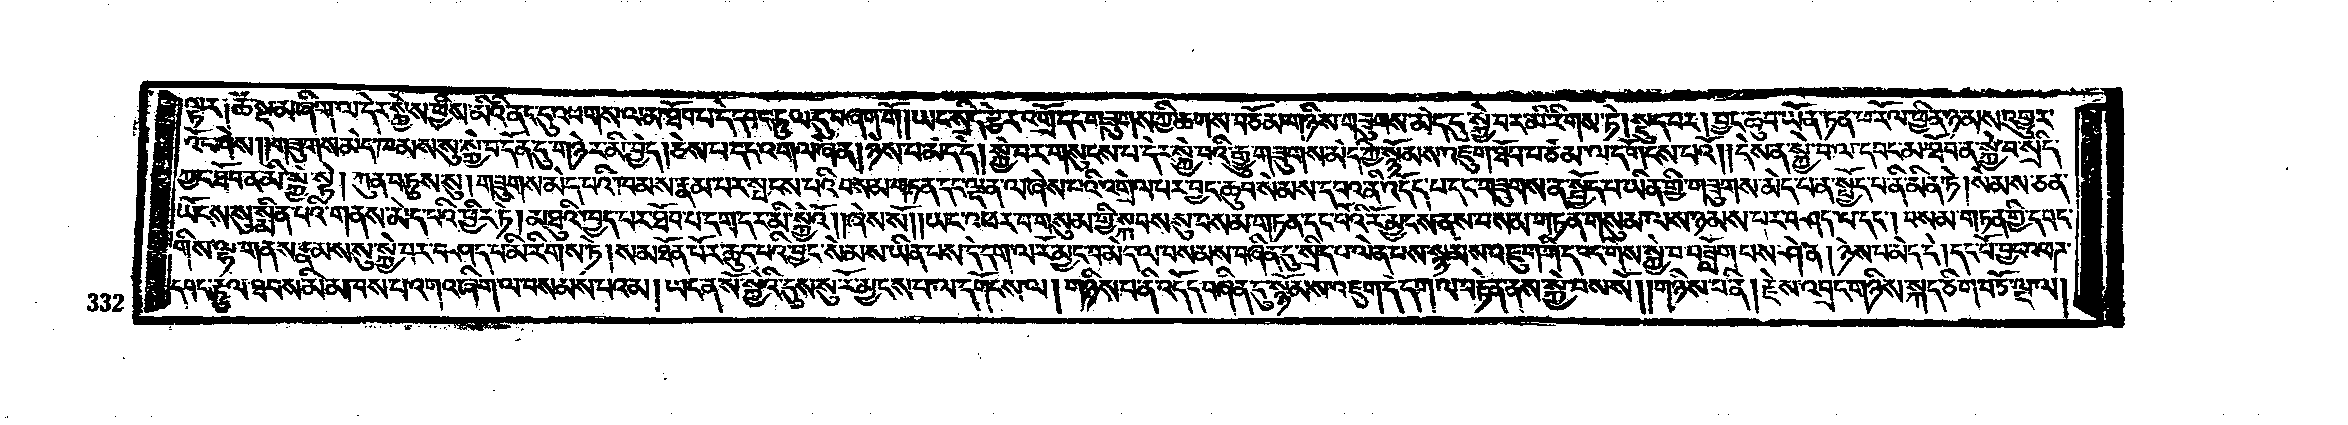ལྟར། ཚེ་སྔ་མ་ཞིག་ལ་དེར་སྐྱེས་ཕྱིས་མིའི་ནང་དུ་འཕགས་ལམ་ཐོབ་པ་དེ་དབང་རྟུལ་དུ་བཞག་གོ །ཡང་སྲིད་རྩེར་འགྲོ་དང་གཟུགས་ཀྱི་ཆགས་བཅོམ་གཉིས་གཟུགས་མེད་དུ་སྐྱེ་བར་མི་རིགས་ཏེ། སྡུད་པར། བྱང་ཆུབ་ཡོན་ཏན་ཕ་རོལ་ཕྱིན་ཉམས་འགྱུར་
འོང་ཞེས། །གཟུགས་མེད་ཁམས་སུ་སྐྱེ་བ་དོན་དུ་གཉེར་མི་བྱེད། ཅེས་པ་དང་འགལ་ཞེ་ན། ཉེས་པ་མེད་དེ། སྐྱེ་བར་གསུངས་པ་དེར་སྐྱེ་བའི་རྒྱུ་གཟུགས་མེད་ཀྱི་སྙོམས་འཇུག་ཐོབ་པ་ཙམ་ལ་དགོངས་པའོ། །དེས་ན་སྐྱེ་བ་ལ་དབང་མ་ཐོབ་ན་སྐྱེ་བ་སྲིད་
ཀྱང་ཐོབ་ན་མི་སྐྱེ་སྟེ། ཀུན་བཏུས་སུ། གཟུགས་མེད་པའི་ཁམས་རྣམ་པར་སྤངས་པའི་བསམ་གཏན་དང་ལྡན་ལ་ཞེས་པའི་འགྲེལ་པར་བྱང་ཆུབ་སེམས་དཔའ་ནི་འདོད་པ་དང་གཟུགས་ན་སྤྱོད་པ་ཡིན་གྱི་གཟུགས་མེད་པ་ན་སྤྱོད་པ་ནི་མིན་ཏེ། སེམས་ཅན་
ཡོངས་སུ་སྨིན་པའི་གནས་མེད་པའི་ཕྱིར་ཏེ། མཐུའི་ཁྱད་པར་ཐོབ་པ་དག་དར་མི་སྐྱེའོ། །ཞེས་སོ། །ཡང་འཕར་བ་གསུམ་གྱི་སྐབས་སུ་བསམ་གཏན་དང་པོའི་རོ་མྱངས་ནས་བསམ་གཏན་གསུམ་ལས་ཉམས་པར་བཤད་པ་དང་། བསམ་གཏན་གྱི་དབང་
གིས་ལྷ་གནས་རྣམས་སུ་སྐྱེ་བར་བཤད་པ་མི་རིགས་ཏེ། ས་མཐོན་པོར་ཆུད་པའི་བྱང་སེམས་ཡིན་པས་དེ་དག་ལ་རོ་མྱང་བ་མེད་ལ་བསམས་བཞིན་དུ་སྲིད་པ་ལེན་པས་སྙོམས་འཇུག་གི་དབང་གིས་སྐྱེ་བ་བཟློག་པས་ཤེ་ན། ཉེས་པ་མེད་དེ། དང་པོ་བྱང་འཕགས་
དབང་རྟུལ་ཐབས་མི་མཁས་པ་འགའ་ཞིག་ལ་བསམས་པའམ། ཡང་ན་སོ་སྐྱེའི་དུས་སུ་རོ་མྱངས་པ་ལ་དགོངས་ལ། གཉིས་པ་ནི་འདོད་བཞིན་དུ་སྙོམས་འཇུག་དེ་དག་ལ་བརྟེན་ནས་སྐྱེ་བས་སོ། །གཉིས་པ་ནི། རྗེས་འབྲང་གཉིས་སྐད་ཅིག་བཅོ་ལྔ་ལ།